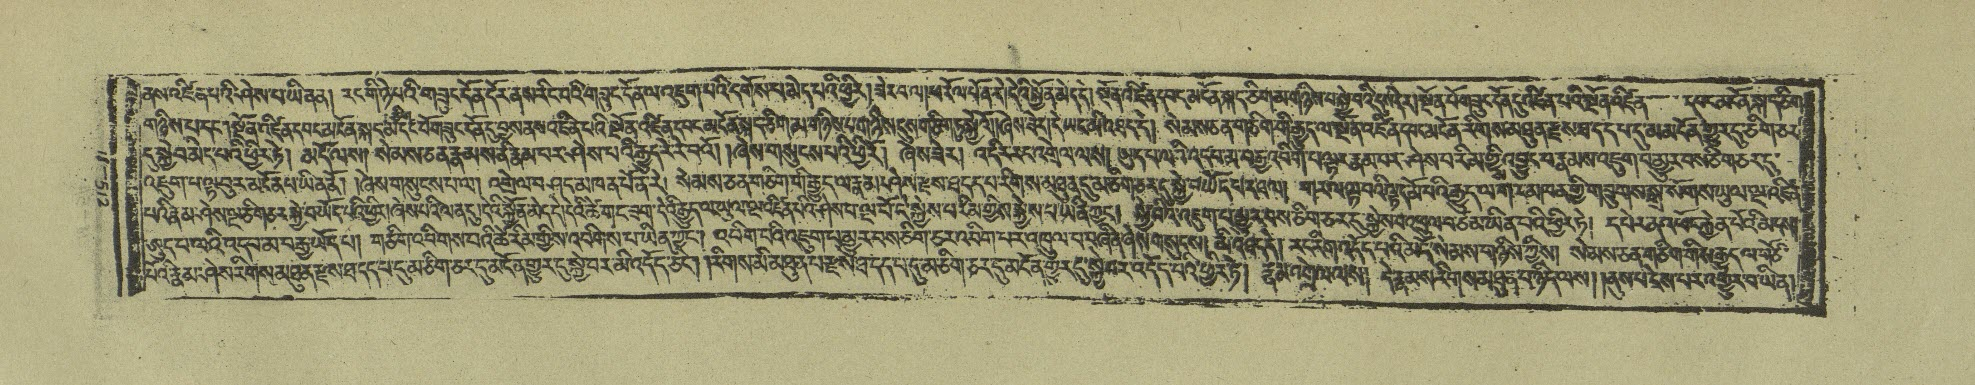ནས་འཛིན་པའི་ཤེས་པ་ཡིན་ན། རང་གི་ཉེ་བའི་གཟུང་དོན་དོར་ནས་རིང་བའི་གཟུང་དོན་ལ་འཇུག་པའི་དགོས་པ་མེད་པའི་ཕྱིར། ཟེར་བ་ལ། ཕ་རོལ་པོ་ན་རེ། དེའི་སྐྱོན་མེད་དེ། སྔོན་འཛིན་དབང་མངོན་སྐད་ཅིག་མ་གཉིས་པ་སྐྱེ་བའི་དུས་དེར། སྔོན་པོ་གཟུང་དོན་དུ་འཛིན་པའི་སྔོན་འཛིན་དབང་མངོན་སྐད་ཅིག་
གཉིས་པ་དང་། སྔོན་འཛིན་དབང་མངོན་སྐད་ཅིག་མ་དང་པོ་གཟུང་དོན་དུ་བྱས་ནས་འཛིན་པའི་སྔོན་འཛིན་དབང་མངོན་སྐད་ཅིག་མ་གཉིས་པ་གཉིས་དུས་གཅིག་ཏུ་སྐྱེའོ། །ཞེས་ཟེར། དེ་ཡང་མི་འཐད་དེ། སེམས་ཅན་གཅིག་གི་རྒྱུད་ལ་སྔོན་འཛིན་དབང་མངོན་རིགས་མཐུན་རྫས་ཐ་དད་པ་དུ་མ་མངོན་གྱུར་དུ་ཅིག་ཅར་
དུ་སྐྱེ་བ་མེད་པའི་ཕྱིར་ཏེ། མདོ་ལས། སེམས་ཅན་རྣམས་ནི་རྣམ་པར་ཤེས་པའི་རྒྱུད་རེ་རེ་བའོ། །ཞེས་གསུངས་པའི་ཕྱིར་རོ། ཞེས་ཟེར། འདིར་རང་འགྲེལ་ལས། ཨུད་པ་ལའི་འདབ་མ་བརྒྱ་འབིག་བ་ལྟར་རྣམ་པར་ཤེས་པ་རིམ་གྱིས་འབྱུང་བ་རྣམས་འཇུག་པ་མྱུར་བས་ཅིག་ཅར་དུ་
འཇུག་པ་ལྟ་བུར་མངོན་པ་ཡིན་ནོ། །ཞེས་གསུངས་པ་ལ། འགྲེལ་བཤད་མཁན་པོ་ན་རེ། སེམས་ཅན་གཅིག་གི་རྒྱུད་ལ་རྣམ་ཤེས་རྫས་ཐ་དད་པ་རིགས་མཐུན་དུ་མ་ཅིག་ཅར་དུ་སྐྱེ་བ་ཡོད་པར་ཐལ། གར་ལ་ལྟ་བའི་ལྟད་མོ་བའི་རྒྱུད་ལ་གར་མཁན་གྱི་གཟུགས་སྒྲ་སོགས་ཡུལ་ལྔ་འཛིན་
པའི་རྣམ་ཤེས་ལྔ་ཅིག་ཅར་སྐྱེ་བ་ཡོད་པའི་ཕྱིར། ཞེས་པའི་ལན་དུ། དེའི་སྐྱོན་མེད་དེ། དེའི་ཚེ་གང་ཟག་དེའི་རྒྱུད་ལ་ཡུལ་ལྔ་འཛིན་པའི་ཤེས་པ་ལྔ་པོ་དེ་སྐྱེས་པ་རིམ་གྱིས་སྐྱེས་པ་ཡིན་ཀྱང་། སྐྱེ་བའི་འཇུག་པ་མྱུར་བས་ཅིག་ཅར་དུ་སྐྱེས་པ་འཁྲུལ་བ་ཙམ་ཡིན་པའི་ཕྱིར་ཏེ། དཔེར་ན་འཕོང་རྐྱེན་པོའི་མངས་
ཨུད་པ་ལའི་འདབ་མ་བརྒྱ་ཡོད་པ། གཅིག་འབིགས་པའི་ཚེ་རིམ་གྱིས་འབིགས་པ་ཡིན་ཀྱང་། འབིག་པའི་འཇུག་པ་མྱུར་བས་ཅིག་ཅར་འབིག་པར་འཁྲུལ་བ་བཞིན་ཞེས་གསུངས། མི་འཐད་དེ། རང་རིག་འདོད་པའི་མདོ་སེམས་གཉིས་ཀྱིས། སེམས་ཅན་གཅིག་གིས་རྒྱུད་ལ་གཙོ་
བོའི་རྣམ་ཤེས་རིགས་མཐུན་རྫས་ཐ་དད་པ་དུ་མ་ཅིག་ཅར་དུ་མངོན་གྱུར་དུ་སྐྱེ་བར་མི་འདོད་ཅིང་། །རིགས་མི་མཐུན་པ་རྫས་ཐ་དད་པ་དུ་མ་ཅིག་ཅར་དུ་མངོན་གྱུར་དུ་སྐྱེ་བར་འདོད་པའི་ཕྱིར་ཏེ། རྣམ་འགྲེལ་ལས། དེ་རྣམས་རིགས་མཐུན་པ་ཉིད་ལས། །ནུས་པ་ངེས་པར་འགྱུར་པ་ཡིན་